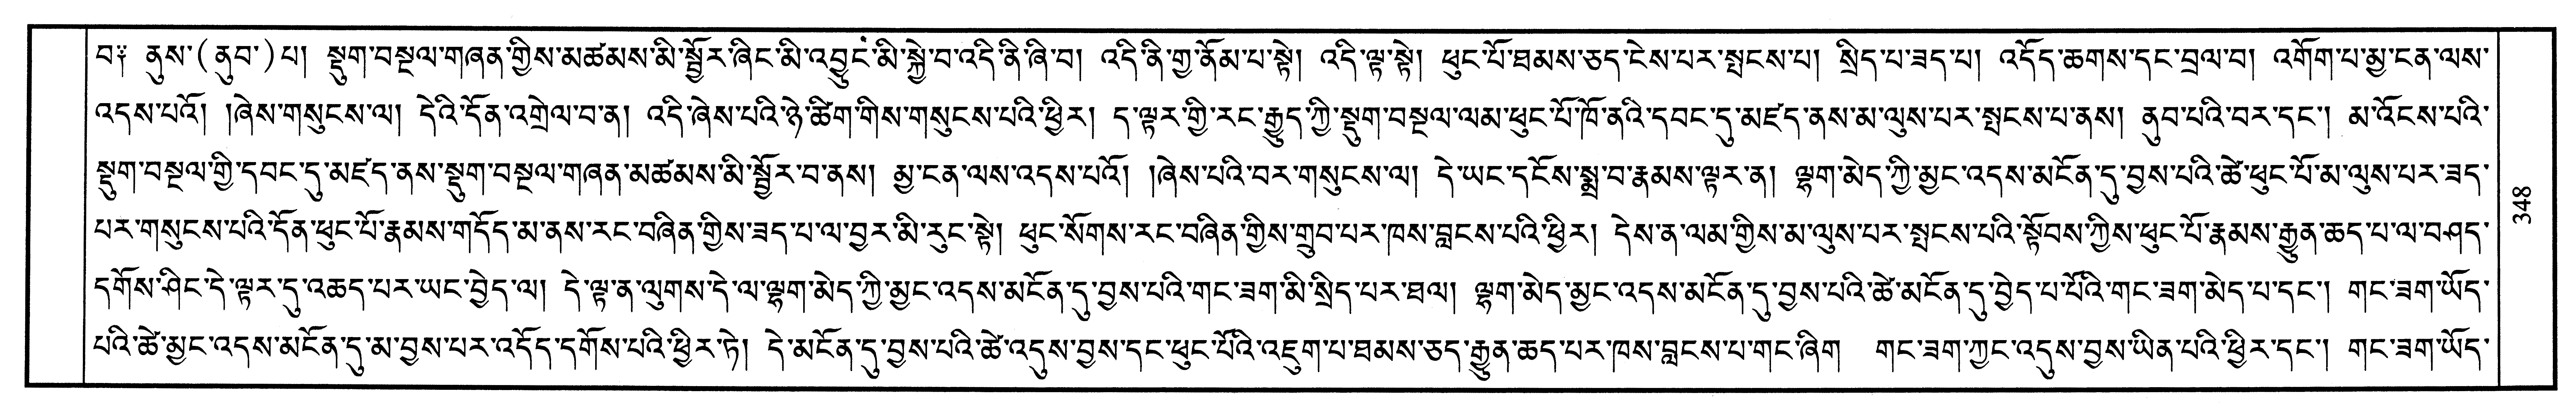བ༑ ནུས་ནུབ་པ། སྡུག་བསྔལ་གཞན་གྱིས་མཚམས་མི་སྦྱོར་ཞིང་མི་འབྱུང་མི་སྐྱེ་བ་འདི་ནི་ཞི་བ། འདི་ནི་གྱ་ནོམ་པ་སྟེ། འདི་ལྟ་སྟེ། ཕུང་པོ་ཐམས་ཅད་ངེས་པར་སྤངས་པ། སྲིད་པ་ཟད་པ། འདོད་ཆགས་དང་བྲལ་བ། འགོག་པ་མྱ་ངན་ལས་
འདས་པའོ། །ཞེས་གསུངས་ལ། དེའི་དོན་འགྲེལ་བ་ན། འདི་ཞེས་པའི་ཉེ་ཚིག་གིས་གསུངས་པའི་ཕྱིར། ད་ལྟར་གྱི་རང་རྒྱུད་ཀྱི་སྡུག་བསྔལ་ལམ་ཕུང་པོ་ཁོ་ནའི་དབང་དུ་མཛད་ནས་མ་ལུས་པར་སྤངས་པ་ནས། ནུབ་པའི་བར་དང་། མ་འོངས་པའི་
སྡུག་བསྔལ་གྱི་དབང་དུ་མཛད་ནས་སྡུག་བསྔལ་གཞན་མཚམས་མི་སྦྱོར་བ་ནས། མྱ་ངན་ལས་འདས་པའོ། །ཞེས་པའི་བར་གསུངས་ལ། དེ་ཡང་དངོས་སྨྲ་བ་རྣམས་ལྟར་ན། ལྷག་མེད་ཀྱི་མྱང་འདས་མངོན་དུ་བྱས་པའི་ཚེ་ཕུང་པོ་མ་ལུས་པར་ཟད་
པར་གསུངས་པའི་དོན་ཕུང་པོ་རྣམས་གདོད་མ་ནས་རང་བཞིན་གྱིས་ཟད་པ་ལ་བྱར་མི་རུང་སྟེ། ཕུང་སོགས་རང་བཞིན་གྱིས་གྲུབ་པར་ཁས་བླངས་པའི་ཕྱིར། དེས་ན་ལམ་གྱིས་མ་ལུས་པར་སྤངས་པའི་སྟོབས་ཀྱིས་ཕུང་པོ་རྣམས་རྒྱུན་ཆད་པ་ལ་བཤད་
དགོས་ཤིང་དེ་ལྟར་དུ་འཆད་པར་ཡང་བྱེད་ལ། དེ་ལྟ་ན་ལུགས་དེ་ལ་ལྷག་མེད་ཀྱི་མྱང་འདས་མངོན་དུ་བྱས་པའི་གང་ཟག་མི་སྲིད་པར་ཐལ། ལྷག་མེད་མྱ་འདས་མངོན་དུ་བྱས་པའི་ཚེ་མངོན་དུ་བྱེད་པ་པོའི་གང་ཟག་མེད་པ་དང་། གང་ཟག་ཡོད་
པའི་ཚེ་མྱང་འདས་མངོན་དུ་མ་བྱས་པར་འདོད་དགོས་པའི་ཕྱིར་ཏེ། དེ་མངོན་དུ་བྱས་པའི་ཚེ་འདུས་བྱས་དང་ཕུང་པོའི་འཇུག་པ་ཐམས་ཅད་རྒྱུན་ཆད་པར་ཁས་བླངས་པ་གང་ཞིག །གང་ཟག་ཀྱང་འདུས་བྱས་ཡིན་པའི་ཕྱིར་དང་། གང་ཟག་ཡོད་